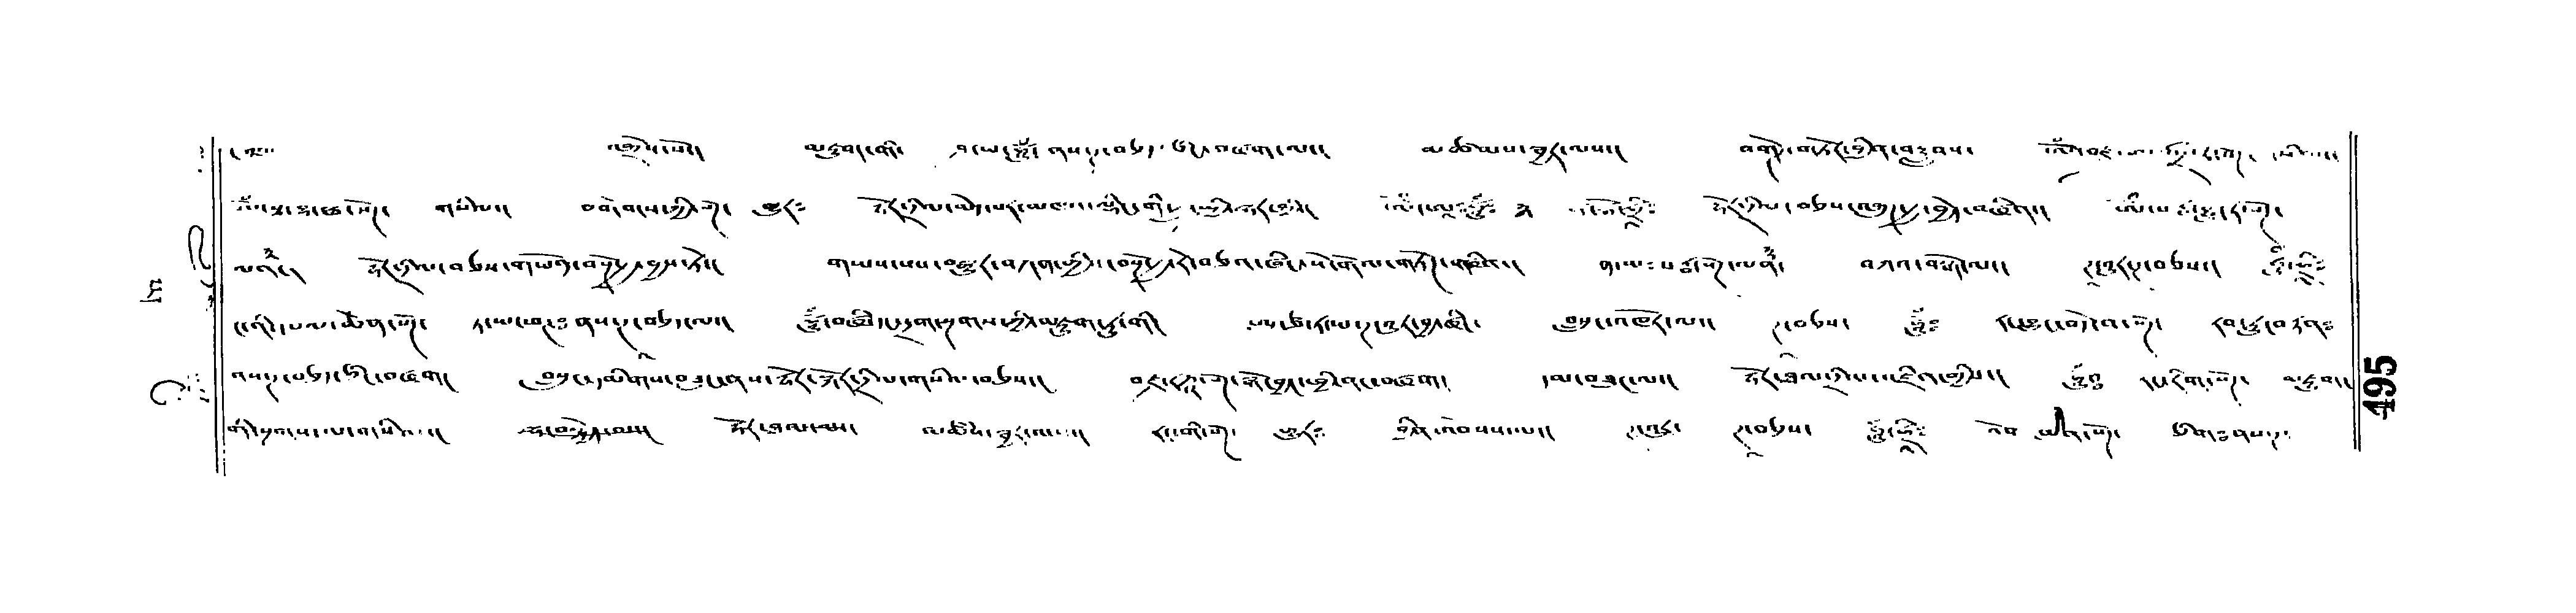འགྲེས་སོ། མཇུག་གི ཤ་ཡ་ཧཱུྃ་ནས་ཌཱ་བཅད་ཅིང་བཞག་ལ། མཚམས་སྦྱར་ལས། བགེགས་གཏོར་བྱིན་བརླབས། ཨོཾ་བཛྲ་ཨ་མྲྀ་ཏ་སོགས་གསིལ། ཨོཾ་སྭ་
བྷ་ཝ་སོགས། གསིལ། བགེགས་ཀྱི་སོགས། གྱུར༔ རྡོར་དྲིལ་མེད་པར་མཁའ་ལྡིང་གི་རྒྱ་སྤྱི་ལྟར་གྱི། ཨོཾ་ཨཱཿཧཱུྃ༔ གསུམ། ཧ་ཧོ་ཧྲཱིཿ རྡོར་དྲིལ་བཅས་འགུགས་རྒྱ་བྱེད་བཞིན། ཨོཾ་སརྦ་བྷུ་ཏ་སོགས། ལན་
གསུམ། ས རྡོར་དྲིལ་བཅས་གཡོན་བསྔོ་རྒྱ་བྱས་ཏེ། གཡས་པས་བསྒྱུར་བཀན་གྱིས་བསྔོ་རྒྱ་རེ་བཅའ་ཞིང་སེ་གོལ་གཏོགས་གཞིན། ན་མཿསརྦ་སོགས་ལན་གསུམ། བཀའ་བསྒོ་ལ། ཌཱ་འུར། ཌཱ་བཅས། ཧཱུྃ་ཧྲཱིཿ 
ང་ནི་དཔལ་ཆེན་སོགས། ཏ་ཡ་ཕཊཿ ནས་ཌཱ་བཅད་ལ། ཧཱུྃ་བཞི་དང་དྲག་སྔགས་ཀྱི་མཇུག་བསྡུ་ཞིང་། ཨུ་ཙ་ཏ་ཡ་ཌཱ་འུར་བྱ་ཞིང་། བསྲུང་འཁོར་ལ། ཌཱ་བཅས། ཧཱུྃ༔ རང་བྱུང་བདེ་བ་སོགས། ས རབ་ཏུ་བརྟན༔ 
ནས་ཌཱ་བཅད་ཅིང་བཞག བསྲུང་དམིགས་བཟུང་ནས་རྡོར་སྐོར་དྲིལ་གསིལ་བཅས། བཛྲ་རཀྵ་སོགས་སྒོ་བྱང་ཕྱི་ནང་བཞག དམ་བཟུང་ལ། རྡོར་ཐལ་དྲིལ་འཛིན་གྱིས། ཧཱུྃ༔ རང་རིག་སོགས། མཇུག་
གི་སྔགས་ལ་གསིལ། མཚམས་སྦྱར་ལས། རང་གི་སོགས། གྱུར༔ བྱིན་འབེབས་ལ། ཌཱ་འུར། ཌཱ་བཅས། ཧཱུྃ་ཧྲཱིཿ འོག་མིན་སོགས། ཅིག༔ ནས་ཌཱ་